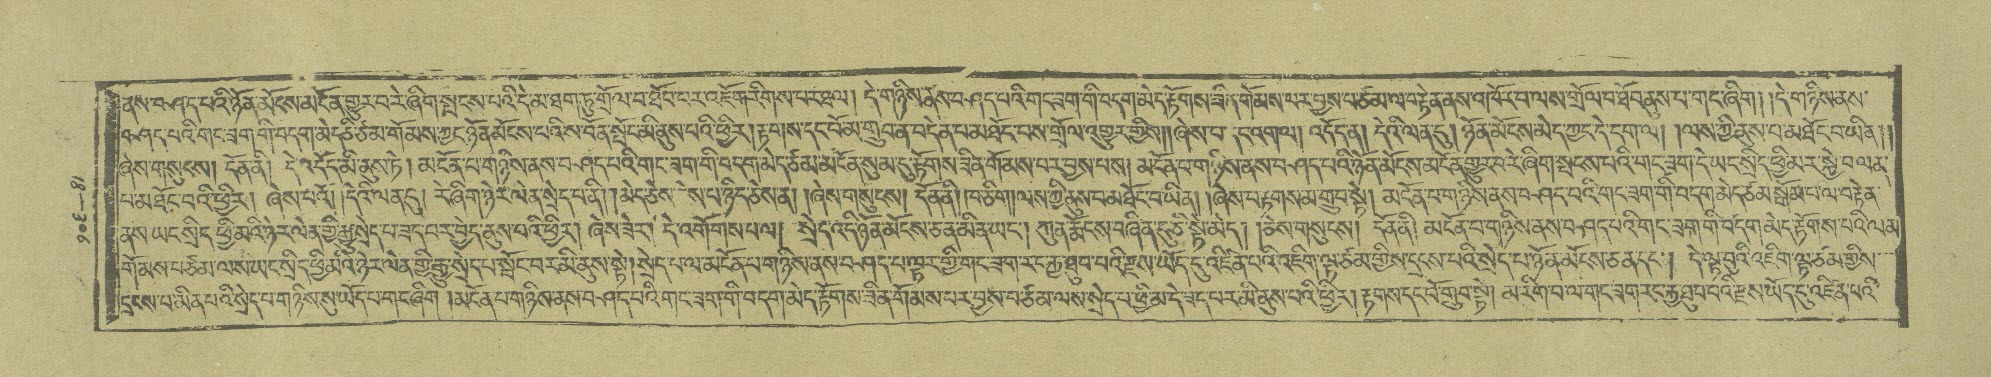ནས་བཤད་པའི་ཉོན་མོངས་མངོན་གྱུར་པ་རེ་ཞིག་སྤངས་པའི་དེ་མ་ཐག་ཏུ་གྲོལ་བ་ཐོབ་པར་འཇོག་རིགས་པར་ཐལ། དེ་གཉིས་ནས་བཤད་པའི་གང་ཟག་གི་བདག་མེད་རྟོགས་ཟིན་གོམས་པར་བྱས་བ་ཙམ་ལ་བརྟེན་ནས་འཁོར་བ་ལས་གྲོལ་བ་ཐོབ་ནུས་པ་གང་ཞིག །དེ་གཉིས་ནས་
བཤད་པའི་གང་ཟག་གི་བདག་མེད་ཙ་ཙམ་གོམས་ཀྱང་ཉོན་མོངས་པའི་ས་བོན་སྤོང་མི་ནུས་པའི་ཕྱིར། རྟགས་དང་པོ་མ་གྲུབ་ན་བདེན་པ་མཐོང་བས་གྲོལ་འགྱུར་གྱིས། །ཞེས་པ་དང་འགལ། འདོད་ན། དེའི་ལན་དུ། ཉོན་མོངས་མེད་ཀྱང་དེ་དག་ལ། །ལས་ཀྱི་ནུས་པ་མཐོང་བ་ཡིན།
ཞེས་གསུངས། དོན་ནི། དེ་འདོད་མི་ནུས་ཏེ། མངོན་པ་གཉིས་ནས་བཤད་པའི་གང་ཟག་གི་བདག་མེད་ཙམ་མངོན་སུམ་དུ་རྟོགས་ཟིན་གོམས་པར་བྱས་པས། མངོན་པ་གཉིས་ནས་བཤད་པའི་ཉོན་མོངས་མངོན་གྱུར་བ་རེ་ཞིག་སྤངས་པའི་གང་ཟག་དེ་ཡང་སྲིད་ཕྱི་མར་སྐྱེ་བ་ལན་
པ་མཐོང་བའི་ཕྱིར། ཞེས་པའོ། །དེའི་ལན་དུ། རེ་ཞིག་ཉེར་ལེན་སྲེད་པ་ནི། །མེད་ཅེས་ངེས་པ་ཉིད་ཅེས་ན། །ཞེས་གསུངས། དོན་ནི། ཁ་ཅིག །ལས་ཀྱི་ནུས་པ་མཐོང་བ་ཡིན། །ཞེས་པ་རྟགས་མ་གྲུབ་སྟེ། མངོན་པ་གཉིས་ནས་བཤད་པའི་གང་ཟག་གི་བདག་མེད་ཙམ་སྒོམ་པ་ལ་བརྟེན་
ནས་ཡང་སྲིད་ཕྱི་མའི་ཉེར་ལེན་གྱི་རྒྱུ་སྲེད་པ་ཟད་པར་བྱེད་ནུས་པའི་ཕྱིར། ཞེས་ཟེར་དེ་འགོགས་པ་ལ། སྲེད་འདི་ཉོན་མོངས་ཅན་མིན་ཡང་། ཀུན་རྨོངས་བཞིན་དུ་ཅི་སྟེ་མེད། །ཅེས་གསུངས། དོན་ནི། མངོན་པ་གཉིས་ནས་བཤད་པའི་གང་ཟག་གི་བདག་མེད་རྟོགས་པའི་ལམ་
གོམས་པ་ཙམ་ལས་ཡང་སྲིད་ཕྱི་མའི་ཉེར་ལེན་གྱི་རྒྱུ་སྲེད་པ་སྤོང་བར་མི་ནུས་སྟེ། སྲིད་པ་ལ་མངོན་པ་གཉིས་ནས་བཤད་པ་ལྟར་གྱི་གང་ཟག་རང་རྐྱ་ཐུབ་པའི་རྫས་ཡོད་དུ་འཛིན་པའི་འཇིག་ལྟ་ཙམ་གྱིས་དྲངས་པའི་སྲེད་པ་ཉོན་མོངས་ཅན་དང་། དེ་ལྟ་བུའི་འཇིག་ལྟ་ཙམ་གྱིས་
དྲངས་པ་མིན་པའི་སྲེད་པ་གཉིས་སུ་ཡོད་པ་གང་ཞིག །མངོན་པ་གཉིས་ནས་བཤད་པའི་གང་ཟག་གི་བདག་མེད་རྟོགས་ཟིན་གོམས་པར་བྱས་པ་ཙམ་ལས་སྲེད་པ་ཕྱི་མ་དེ་ཟད་པར་མི་ནུས་པའི་ཕྱིར། རྟགས་དང་པོ་གྲུབ་སྟེ། མ་རིག་པ་ལ་གང་ཟག་རང་རྐྱ་ཐུབ་པའི་རྫས་ཡོད་དུ་འཛིན་པའི་